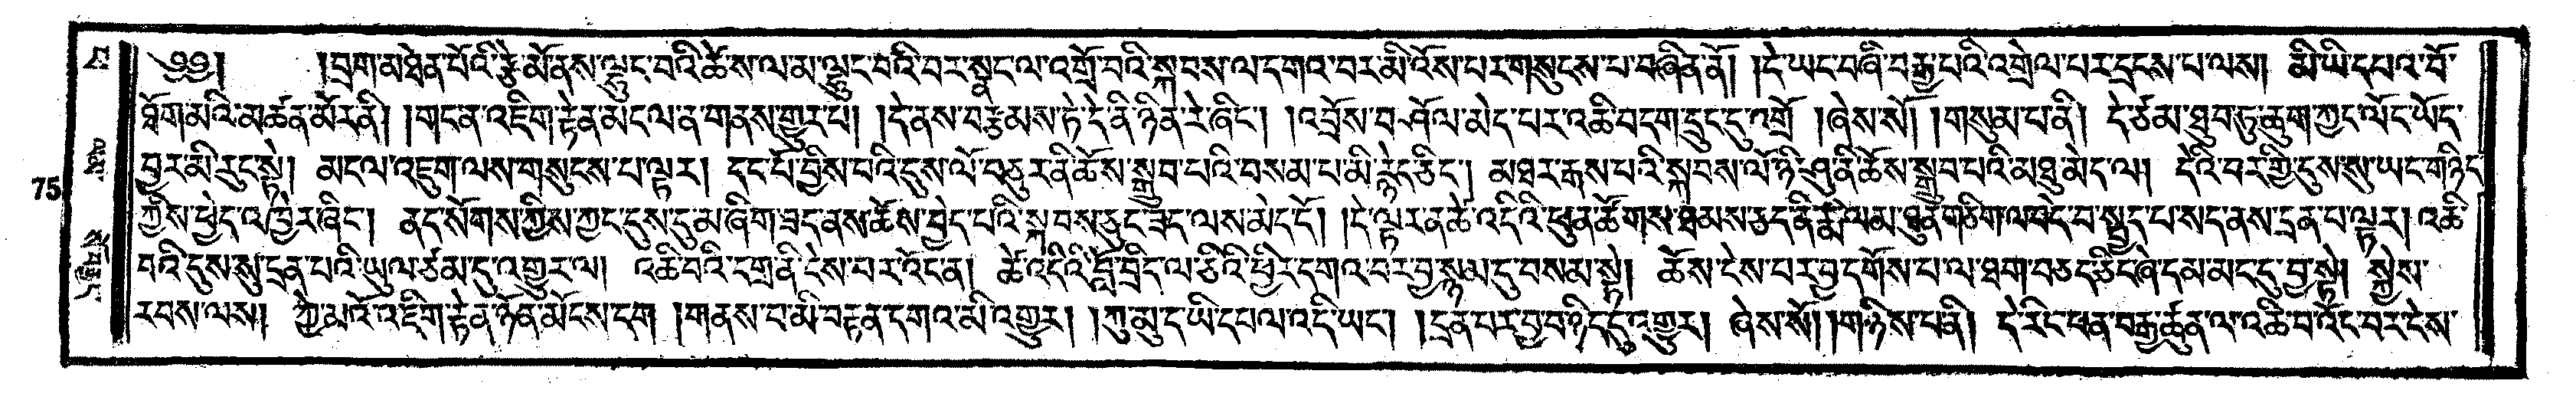༄༅། །བྲག་མཐེན་པོའི་རྩེ་མོ་ནས་ལྷུང་བའི་ཚེ་ས་ལ་མ་ལྷུང་བའི་བར་སྣང་ལ་འགྲོ་བའི་སྐབས་ལ་དགའ་བར་མི་འོས་པར་གསུངས་པ་བཞིན་ནོ། །དེ་ཡང་བཞི་བརྒྱ་པའི་འགྲེལ་པར་དྲངས་པ་ལས། མི་ཡི་དཔའ་བོ་
ཐོག་མའི་མཚན་མོར་ནི། །གང་ན་འཇིག་རྟེན་མངལ་ན་གནས་གྱུར་པ། །དེ་ནས་བརྩམས་ཏེ་དེ་ནི་ཉིན་རེ་ཞིང་། །འབྲོས་བཤོལ་མེད་པར་འཆི་བདག་དྲུང་དུ་འགྲོ་།ཞེས་སོ། །གསུམ་པ་ནི། དེ་ཙམ་ཐུབ་ཏུ་ཆུག་ཀྱང་ལོང་ཡོད་
བྱར་མི་རུང་སྟེ། མངལ་འཇུག་ལས་གསུངས་པ་ལྟར། དང་པོ་བྱིས་པའི་དུས་ལོ་བཅུར་ནི་ཆོས་སྒྲུབ་པའི་བསམ་པ་མི་རྙེད་ཅིང་། མཐར་རྒས་པའི་སྐབས་ལོ་ཉི་ཤུ་ནི་ཆོས་སྒྲུབ་པའི་མཐུ་མེད་ལ། དེའི་བར་གྱི་དུས་སུ་ཡང་གཉིད་
ཀྱིས་ཕྱེད་འཁྱེར་ཞིང་། ནད་སོགས་ཀྱིས་ཀྱང་དུས་དུ་མ་ཞིག་ཟད་ནས་ཆོས་བྱེད་པའི་སྐབས་ཅུང་ཟད་ལས་མེད་དོ། །དེ་ལྟར་ན་ཚེ་འདིའི་ཕུན་ཚོགས་ཐམས་ཅད་ནི་རྨི་ལམ་ཐུན་གཅིག་ལ་བདེ་བ་སྤྱད་པ་སད་ནས་དྲན་པ་ལྟར། འཆི་
བའི་དུས་སུ་དྲན་པའི་ཡུལ་ཙམ་དུ་འགྱུར་ལ། འཆི་བའི་དགྲ་ནི་ངེས་པར་འོང་ན། ཚེ་འདིའི་བློ་བྲིད་ལ་ཅིའི་ཕྱིར་དགའ་བར་བྱ་སྙམ་དུ་བསམ་སྟེ། ཆོས་ངེས་པར་བྱ་དགོས་པ་ལ་ཐག་བཅད་ཅིང་ཞེ་དམ་མང་དུ་བྱ་སྟེ། སྐྱེས་
རབས་ལས། ཀྱེ་མའོ་འཇིག་རྟེན་ཉོན་མོངས་དག །གནས་པ་མི་བརྟན་དགའ་མི་འགྱུར། །ཀུ་མུ་ད་ཡི་དཔལ་འདི་ཡང་། །དྲན་པར་བྱ་བ་ཉིད་དུ་འགྱུར། ཞེས་སོ། །གཉིས་པ་ནི། དེ་རིང་ཕན་བརྒྱ་ཚུན་ལ་འཆི་བ་འོང་བར་ངེས་